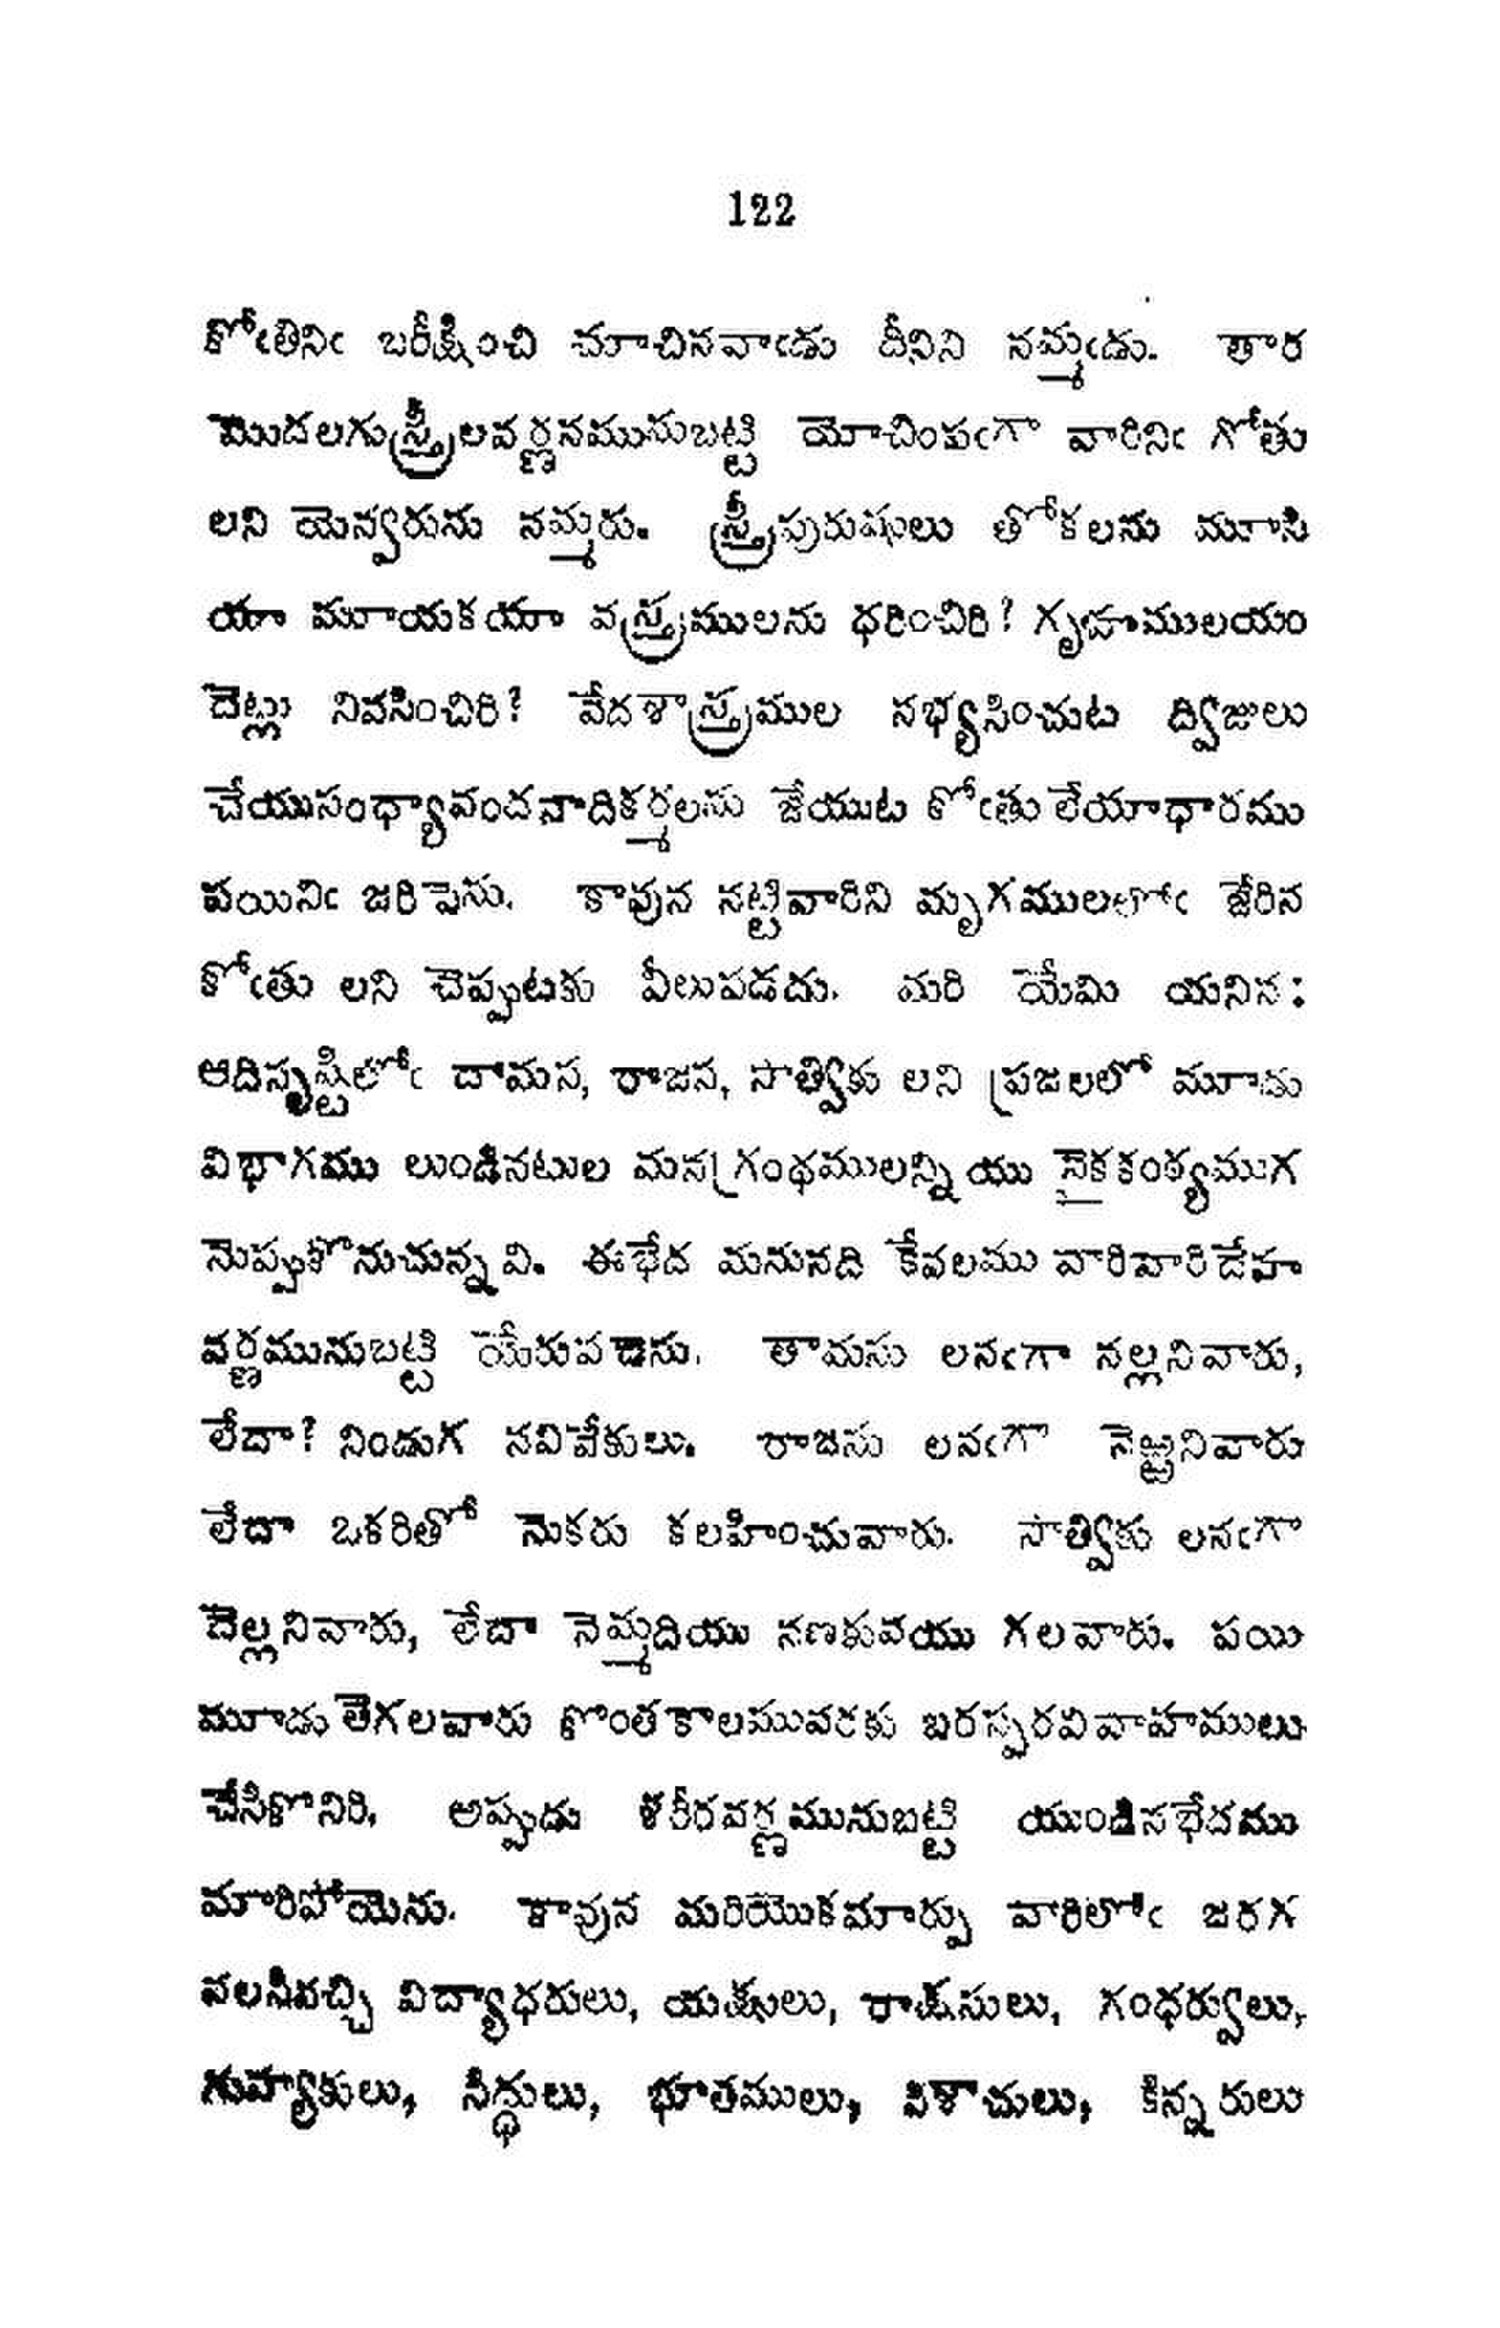కోఁతినిఁ బరీక్షించి చూచినవాఁడు దీనిని నమ్మఁడు. తార మొదలగుస్త్రీలవర్ణనమునుబట్టి యోచింపఁగా వారినిఁ గోతులని యెవ్వరుసు నమ్మరు. స్త్రీపురుషులు తోకలను మూసి యా మూయకయా వస్త్రములను ధరించిరి ? గృహములయం దెట్లు నివసించిరి ? వేదశాస్త్రముల సభ్యసించుట ద్విజులు చేయుసంధ్యావందనాదికర్మలను జేయుట కోఁతు లేయాధారము పయినిఁ జరిపెను. కావున నట్టివారిని మృగములలోఁ జేరిన కోఁతు లని చెప్పుటకు వీలుపడదు. మరి యేమి యనిన : ఆదిసృష్టిలోఁ దామస, రాజస, సాత్వికు లని ప్రజలలో మూడు విభాగము లుండినటుల మనగ్రంథములన్నియు నైకకంఠ్యముగ నొప్పుకొనుచున్నవి. ఈభేద మనునది కేవలము వారివారిదేహ వర్ణమునుబట్టి యేరుపడెను. తామసు లనఁగా నల్లనివారు, లేదా? నిండుగ నవివేకులు. రాజసు లనఁగా నెఱ్ఱనివారు, లేదా ఒకరితో నొకరు కలహించువారు. సాత్వికు లనఁగా దెల్లనివారు, లేదా నెమ్మదియు నణకువయు గలవారు. పయి మూడుతెగలవారు కొంతకాలమువరకు బరస్పర వివాహములు చేసికొనిరి. అప్పుడు శరీరవర్ణమునుబట్టి యుండినభేదము మారిపోయెను. కావున మరియొకమార్పు వారిలోఁ జరగవలసివచ్చి విద్యాధరులు, యక్షులు, రాక్షసులు, గంధర్వులు,
గుహ్యకులు, సిద్ధులు, భూతములు, పిశాచులు, కిన్నరులు